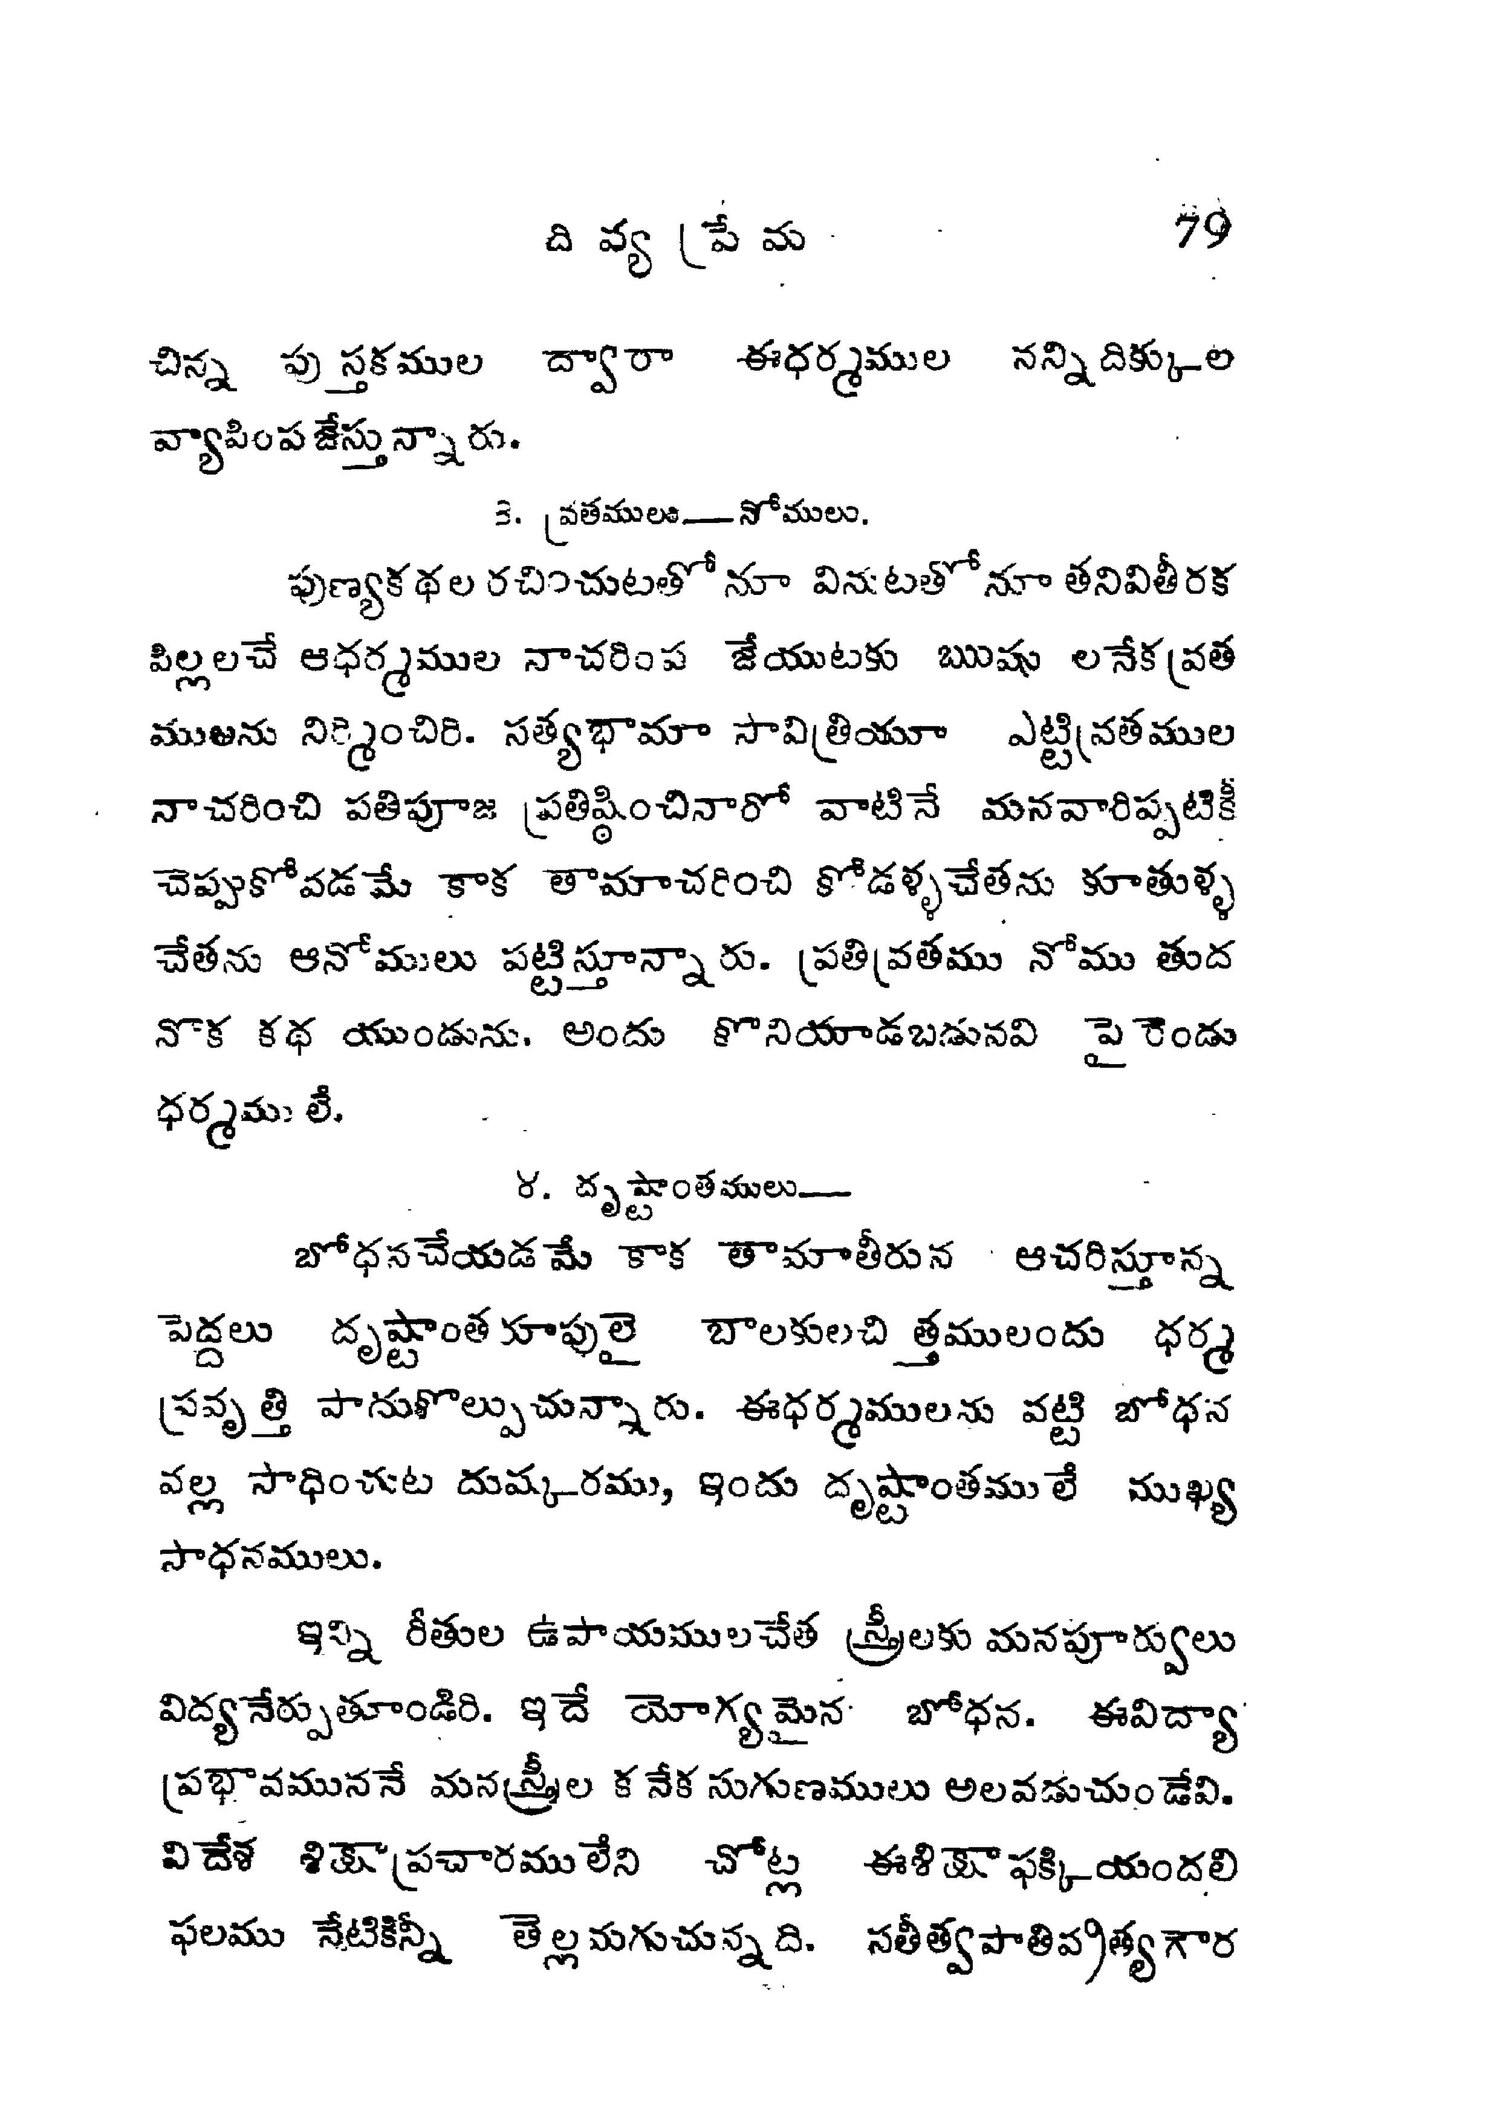చిన్న పుస్తకముల ద్వారా ఈధర్మముల నన్నిదిక్కుల వ్యాపింపజేస్తున్నారు.

పుణ్యకథల రచించుటతోనూ వినుటతోనూ తనివితీరక పిల్లలచే ఆధర్మముల నాచరింప జేయుటకు ఋషు లనేకవ్రతములను నిర్మించిరి. సత్యభామా సావిత్రియూ ఎట్టివ్రతముల నాచరించి పతిపూజ ప్రతిష్ఠించినారో వాటినే మనవారిప్పటికీ చెప్పుకోవడమే కాక తామాచరించి కోడళ్ళచేతను కూతుళ్ళ చేతను ఆనోములు పట్టిస్తూన్నారు. ప్రతివ్రతము నోము తుదనొక కథ యుండును. అందు కొనియాడబడునవి పైరెండు ధర్మము లే.

బోధనచేయడమే కాక తామాతీరున ఆచరిస్తూన్న పెద్దలు దృష్టాంతరూపులై బాలకులచిత్తములందు ధర్మ ప్రవృత్తి పాదుకొల్పుచున్నారు. ఈధర్మములను వట్టి బోధన వల్ల సాధించుట దుష్కరము, ఇందు దృష్టాంతములే ముఖ్య సాధనములు.

ఇన్ని రీతుల ఉపాయములచేత స్త్రీలకు మనపూర్వులు విద్యనేర్పుతూండిరి. ఇదే యోగ్యమైన బోధన. ఈవిద్యా ప్రభావముననే మనస్త్రీల కనేక సుగుణములు అలవడుచుండేవి. విదేశ శిక్షాప్రచారములేని చోట్ల ఈశిక్షా ఫక్కియందలి ఫలము నేటికిన్నీ తెల్లమగుచున్నది. సతీత్వపాతివ్రత్యగౌర